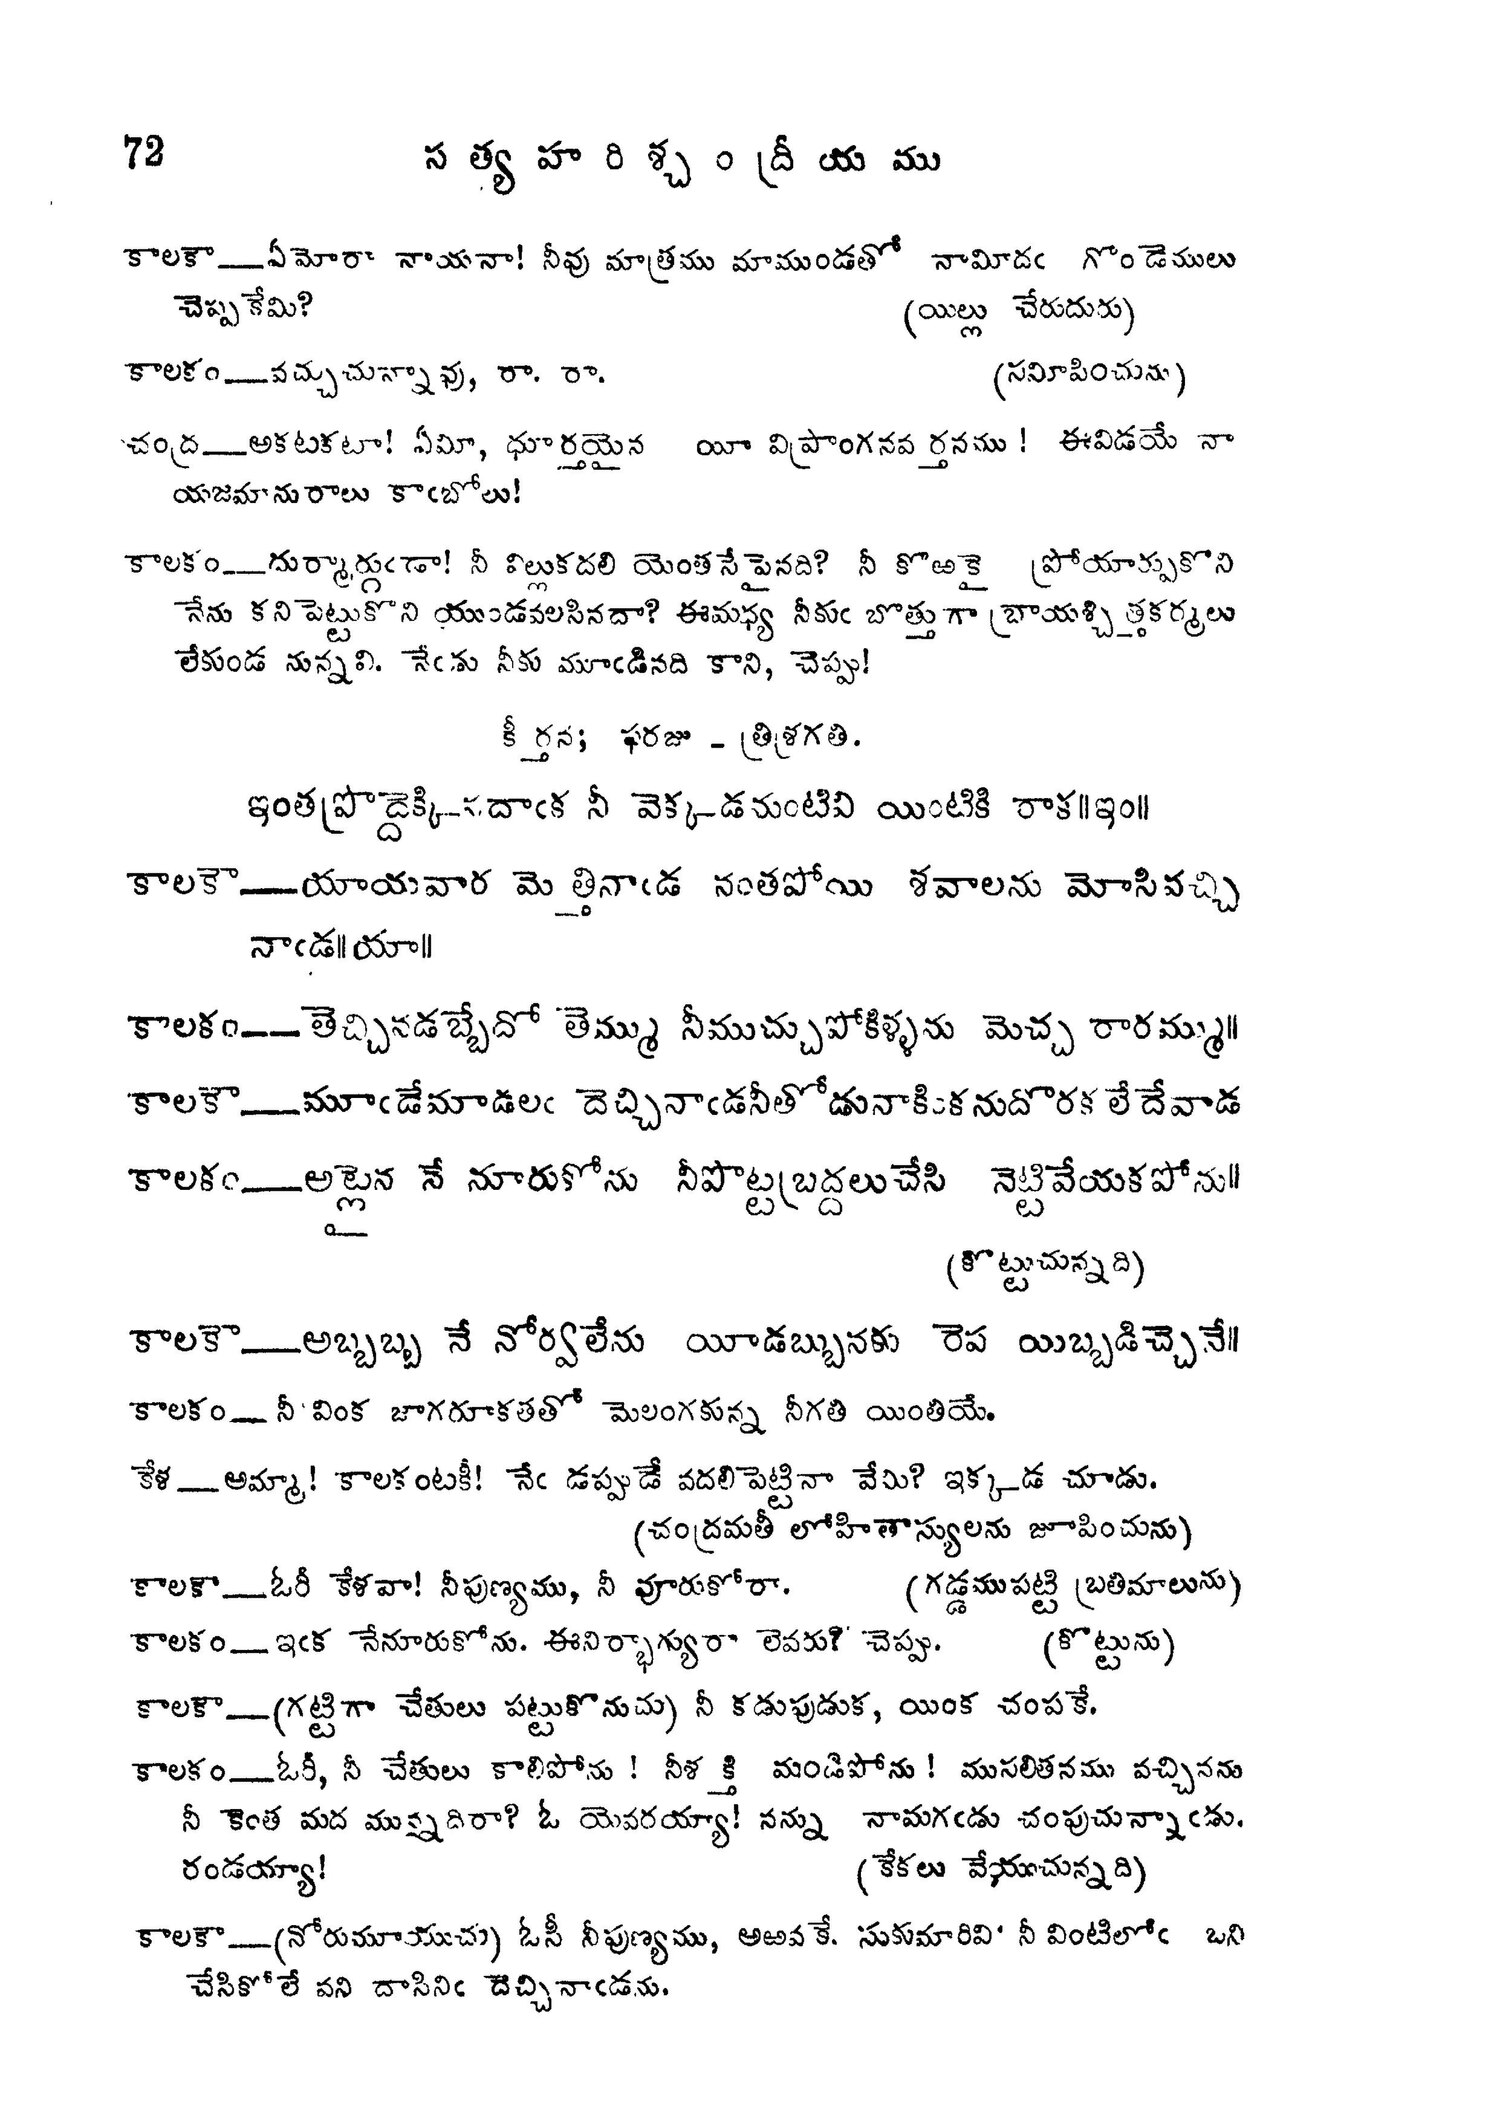కాలకౌ: 	ఏమోరా నాయనా! నీవు మాత్రము మాముండతో నామీద గొండెములు చెప్పకేమి.
(ఇల్లు చేరుదురు)

కాలకం: 	వచ్చుచున్నావూ? రా, రా. (సమీపించును)

చంద్ర: 	(స్వగతము) అకటకటా! ఏమీ ధూర్తయైన యీ విప్రాంగన వర్తనము! ఈవిడయే నా యజమానురాలు గాబోలు.

కాలకం: 	దుర్మార్గుడా! నీ విల్లు వదలి యెంతసేపయినది? నీ కొఱకై పొయ్యార్పుకొని నేను గనిపెట్టుకొని యుండవలసినదా? ఈమధ్య నీకు బొత్తిగాఁ బ్రాయశ్చిత్త కర్మములు లేకుండ నున్నవి. నేఁడు నీకు మూఁడినది గానీ చెప్పు.

 	(కీర్తన: ఫరజు - త్రిశ్రగతి)

ఇంత పొద్దెక్కినదాక నీ వెక్కడ నుంటివి ఇంటికి రాక ॥ఇం॥

కాలకౌ: 	యాయవార మెత్తినాఁడ సంతపోయి శవాలను మోసికొచ్చినాఁడ ॥యా॥

కలకం: 	తెచ్చిన డబ్బేదో తెమ్ము నీ మ్రుచ్చుపోకిళ్ళను మెచ్చ రారమ్ము

కాలకౌ: 	మూడెమాడలం దెచ్చి నాడ నీతోడు నాకింకను దొరకలేదేవాడ

కాలకం: 	అట్లైన నే నూరుకోను నీపొట్ట బద్దలుచేసి నెట్టివేయకపోను (కొట్టుచున్నది)

కాలకౌ: 	అబ్బబ్బ నే నోర్వలేను యీ డబ్బునకు రేప యిబ్బడి ఈడ్చెదనే

కాలకం: 	నీ వింక జాగరూకతతో మెలంగకున్న నీగతి యింతియే.

కేశ: 	అమ్మా! కాలకంటకి నే డప్పుడే వదలి పెట్టినావే? ఇక్కడ చూడు.
(చంద్రమతిని, లోహితాస్యుని చూపించును)

కాలకౌ: 	ఓరీ, కేశవా! నీ పుణ్యము, నీ వూరుకోరా! (గడ్డముఁ బట్టి బ్రతిమాలును)

కాలకం: 	ఇఁక నేనూరుకోను. ఈ నిర్భాగ్యురాలెవరు? చెప్పు. (కొట్టును)

కాలకౌ: 	(గట్టిఁగాఁ జేతులు పట్టుకొనుచు) నీకడుపుకడ, ఇంక చంపకే!

కాలకం: 	ఓరీ నీ చేతులు కాలిపోను! నీశక్తి మండిపోను! ముసలితనము వచ్చినను నీ కెంత మదమున్నదిరా! ఓ యెవరయ్య! నన్ను నామగఁడు చంపుచున్నాఁడు. రండయ్యా!
(కేకలు వేయుచున్నది)

కాలకౌ: 	(నోరుమూయుచు) ఓసీ, నీపుణ్యము. అఱవకే. సుకుమారివి, నీ వింటిలోఁ బనిచేసుకోలేవని దాసిని దెచ్చినాడను.